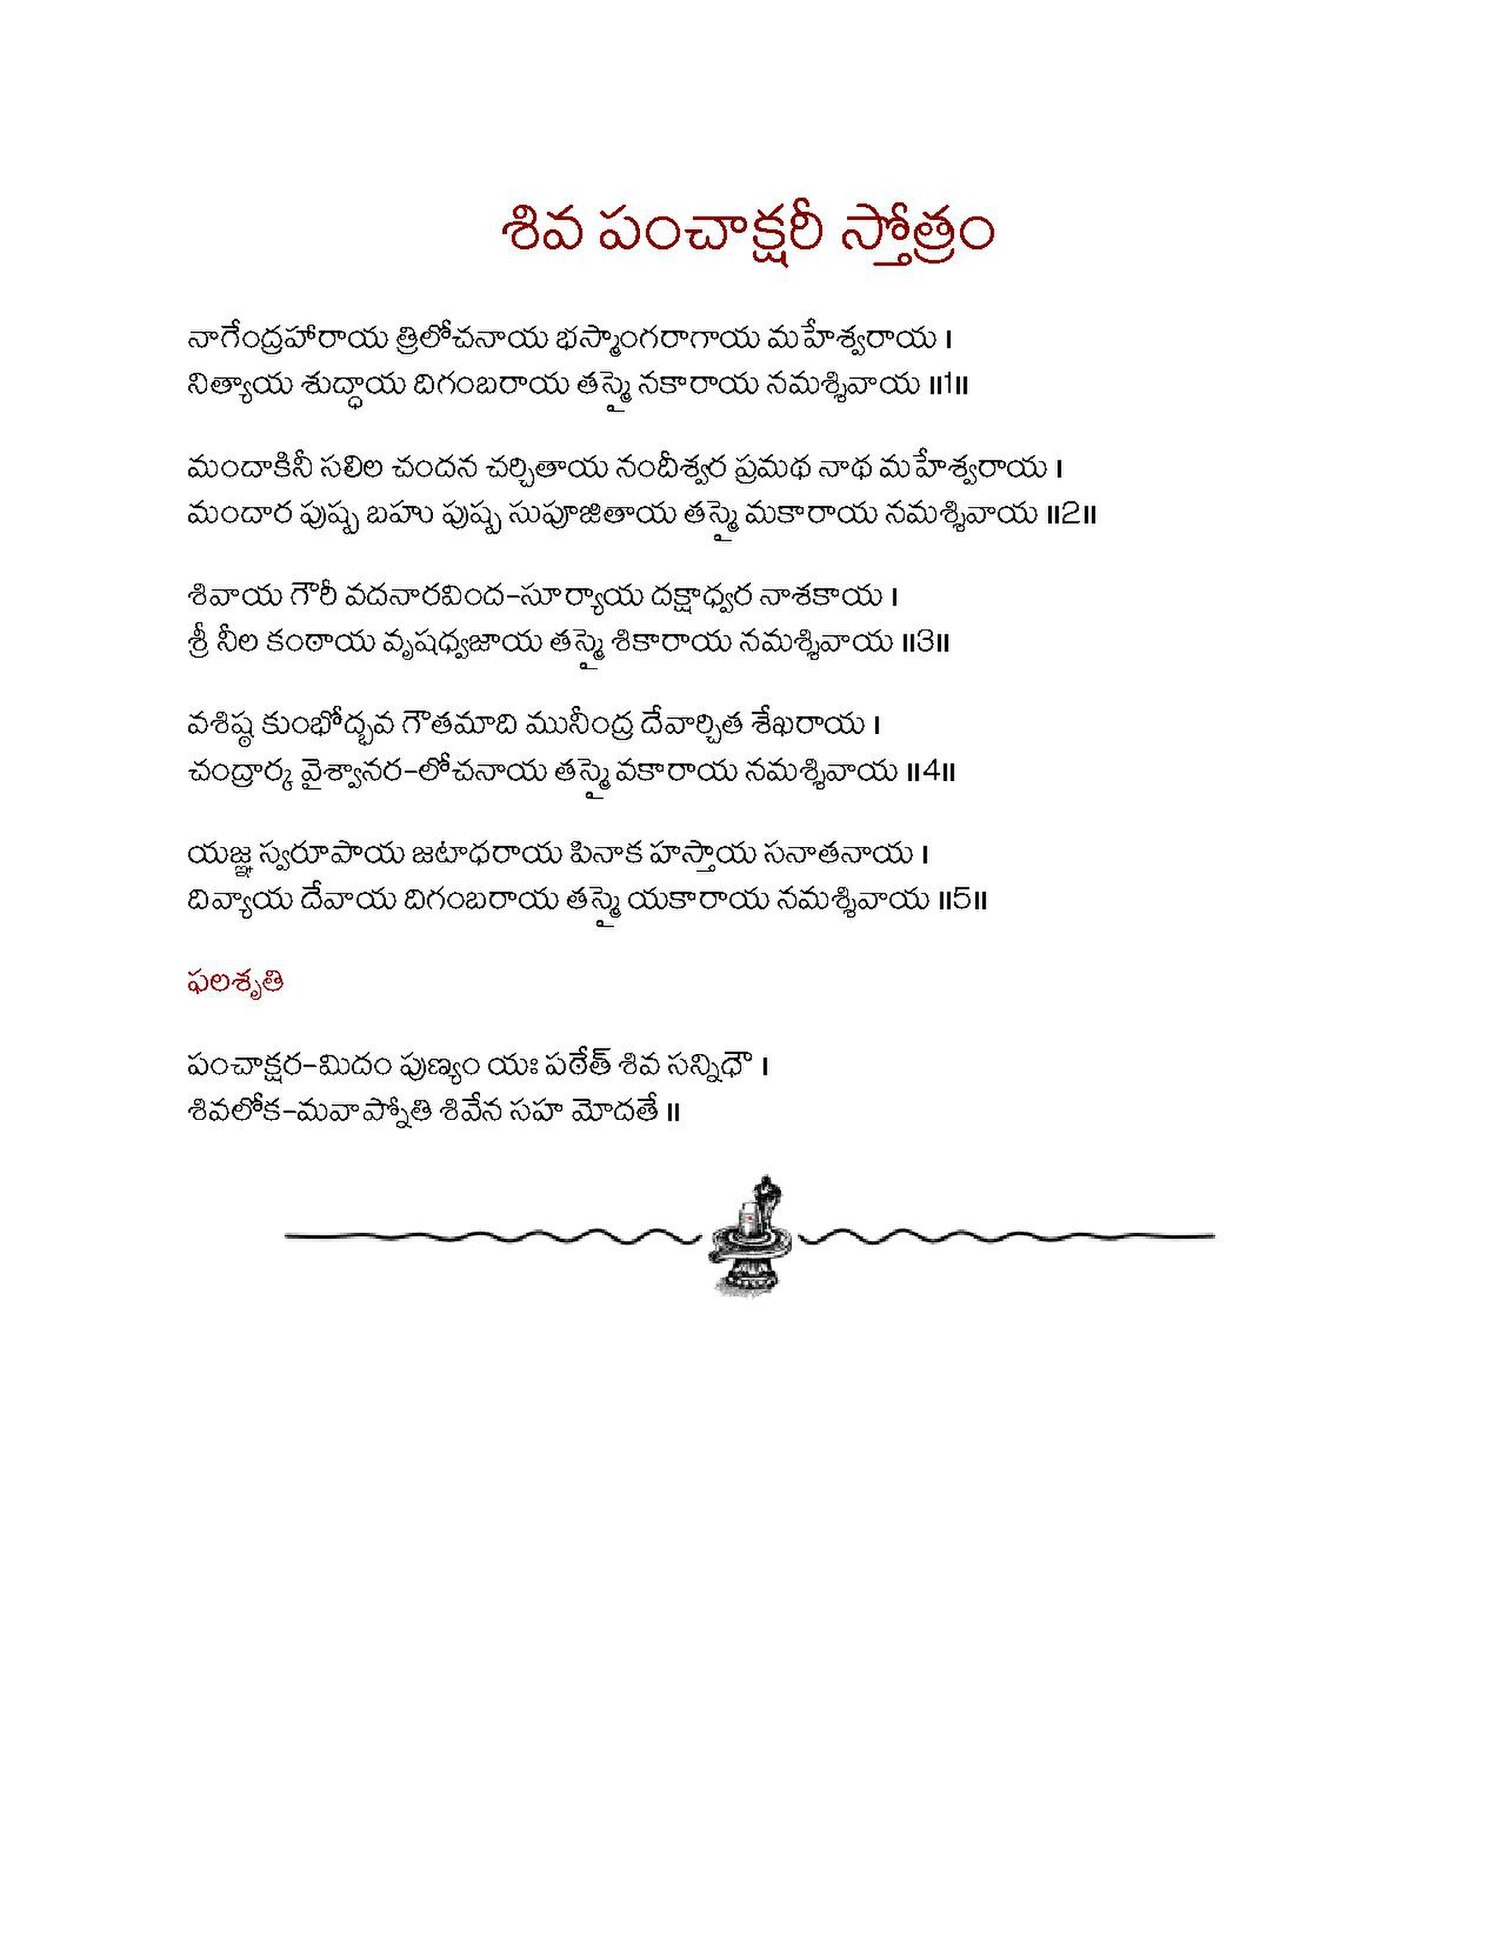నాగేంద్రహారాయ త్రిలోచనాయ భస్మాంగరాగాయ మహేశ్వరాయ |
నిత్యాయ శుద్ధాయ దిగంబరాయ తస్మై నకారాయ నమశ్శివాయ || 1 ||

మందాకినీ సలిల చందన చర్చితాయ నందీశ్వర ప్రమథనాథ మహేశ్వరాయ |
మందార పుష్ప బహు పుష్ప సుపూజితాయ తస్మై మకారాయ నమశ్శివాయ ||2||

శివాయ గౌరీ వదనారవింద-సూర్యాయ దక్షాధ్వర నాశకాయ |
శ్రీ నీలకంఠాయ వృషధ్వజాయ తస్మై శికారాయ నమశ్శివాయ ||3||

వశిష్ఠ కుంభోద్భవ గౌతమాది మునీంద్ర దేవార్చిత శేఖరాయ
చంద్రార్క వైశ్వానర-లోచనాయ తస్మై వకారాయ నమశ్శివాయ ||4||
|
యజ్ఞస్వరూపాయ జటాధరాయ పినాక హస్తాయ సనాతనాయ |
దివ్యాయ దేవాయ దిగంబరాయ తస్మై యకారాయ నమశ్శివాయ ||5||

ఫలశృతి
పంచాక్షర-మిదం పుణ్యం యః పఠేత్ శివ సన్నిధౌ |
శివలోక మవాప్నోతి శివేన సహ మోదతే ||